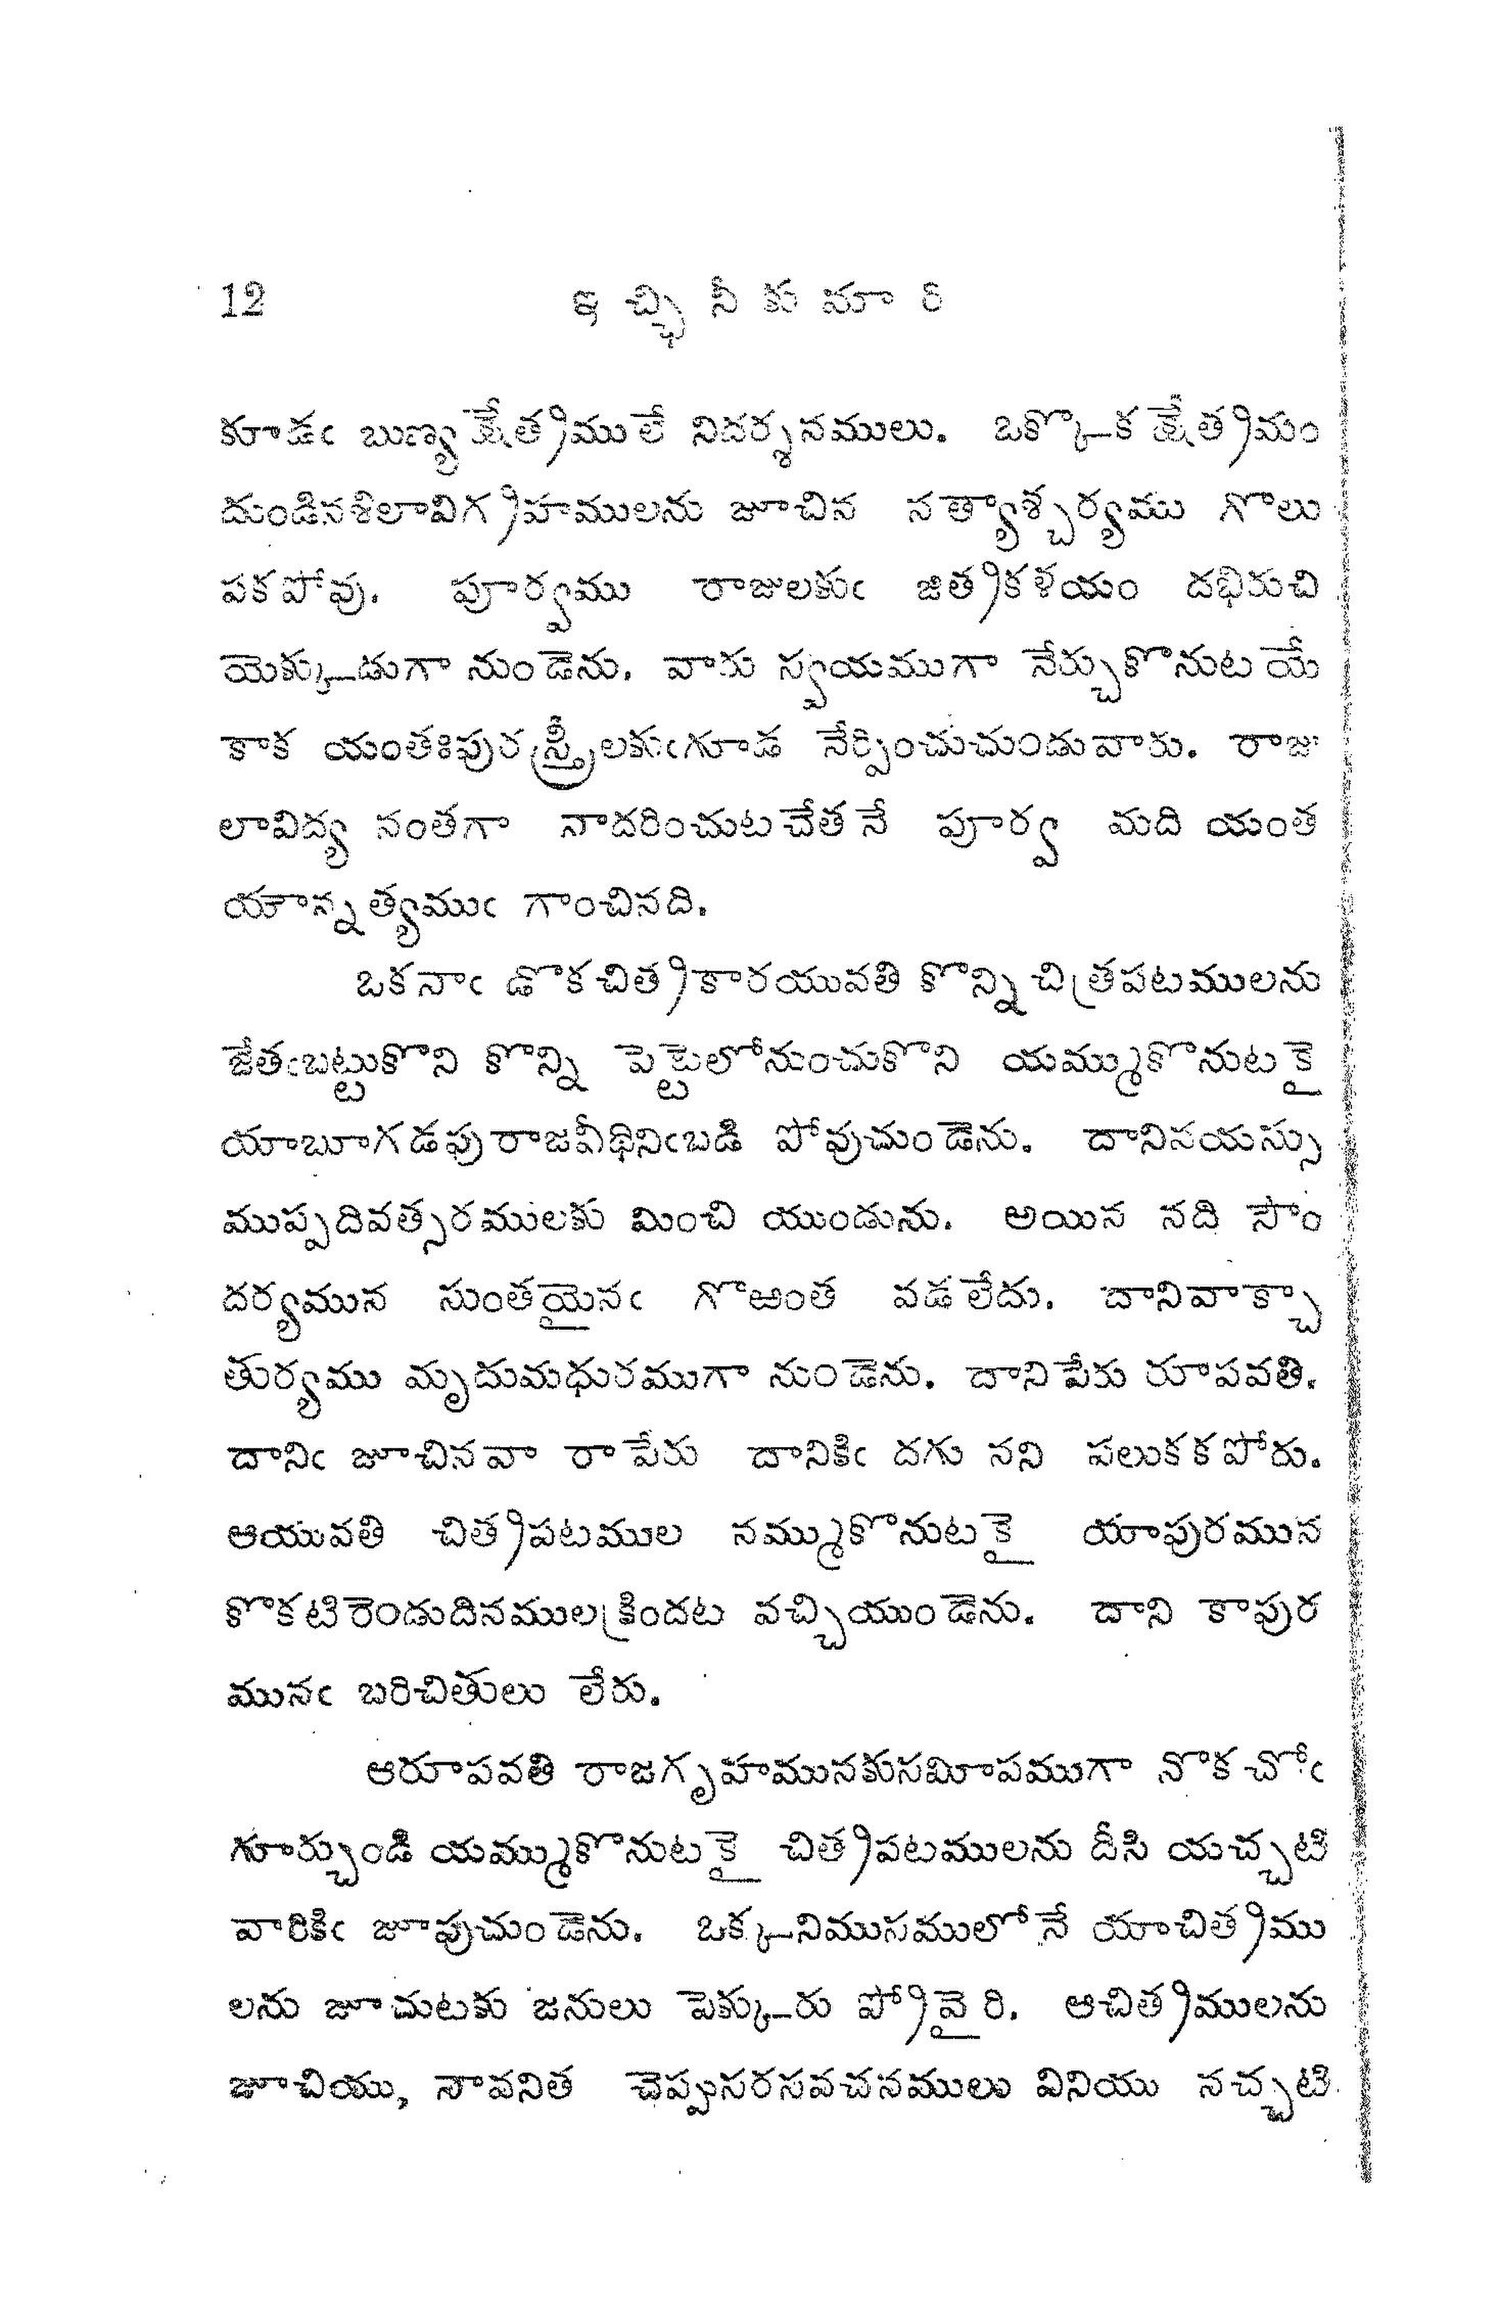బుణ్య క్షేత్రములే నిదర్శనములు. ఒక్కొక క్షేత్రమం దుండిన శిలావిగహములను జూచిన నత్యాశ్చర్యము గొలు పకపోవు, పూర్వము రాజులకుఁ జిత్రకళయందభిరుచి యెక్కుడుగా నుండెను. వారు స్వయముగా నేర్చుకొనుట యే కాక యంతఃపుర స్త్రీలకు గూడ నేర్పించుచుండు వారు. రాజు లావిద్య నంతగా నాదరించుట చేత నే పూర్వ మది యంత యౌన్నత్యముఁ గాంచినది.

ఒక నాఁ డొక చిత్రకారయువతి కొన్ని చిత్రపటములను జేత బట్టుకొని కొన్ని పెట్టెలోనుంచుకొని యమ్ముకొనుట కై యాబూగడపు రాజవీథినిఁబడి పోవుచుండెను. దాని వయస్సు ముప్పదివత్సరములకు మించి యుండును. అయిన నది సౌం దర్యమున సుంతయైనఁ గొఱంత వడ లేదు. దాని వాక్చా తుర్యము మృదుమధురముగా నుండెను. దాని పేరు రూపవతి. దానిఁ జూచినవా రా పేరు దానికిఁ దగు నని పలుకక పోరు. ఆయువతి చిత్రపటముల నమ్ముకొనుటకై యాపురమున కొకటి రెండుదినముల క్రిందట వచ్చియుండెను. దాని కాపుర మునఁ బరిచితులు లేరు.

ఆరూపవతి రాజగృహమునకు సమీపముగా నొక చోట గూర్చుండి యమ్ముకొనుటకై చిత్ర పటములను దీసి యచ్చటి వారికిఁ జూపుచుండెను. ఒక్క నిముసములోనే యాచిత్రము లను జూచుటకు జనులు పెక్కురు ప్రోవైరి. ఆచిత్రములను జూచియు, నావనిత చెప్పుసరస వచనములు వినియు నచ్చటి.